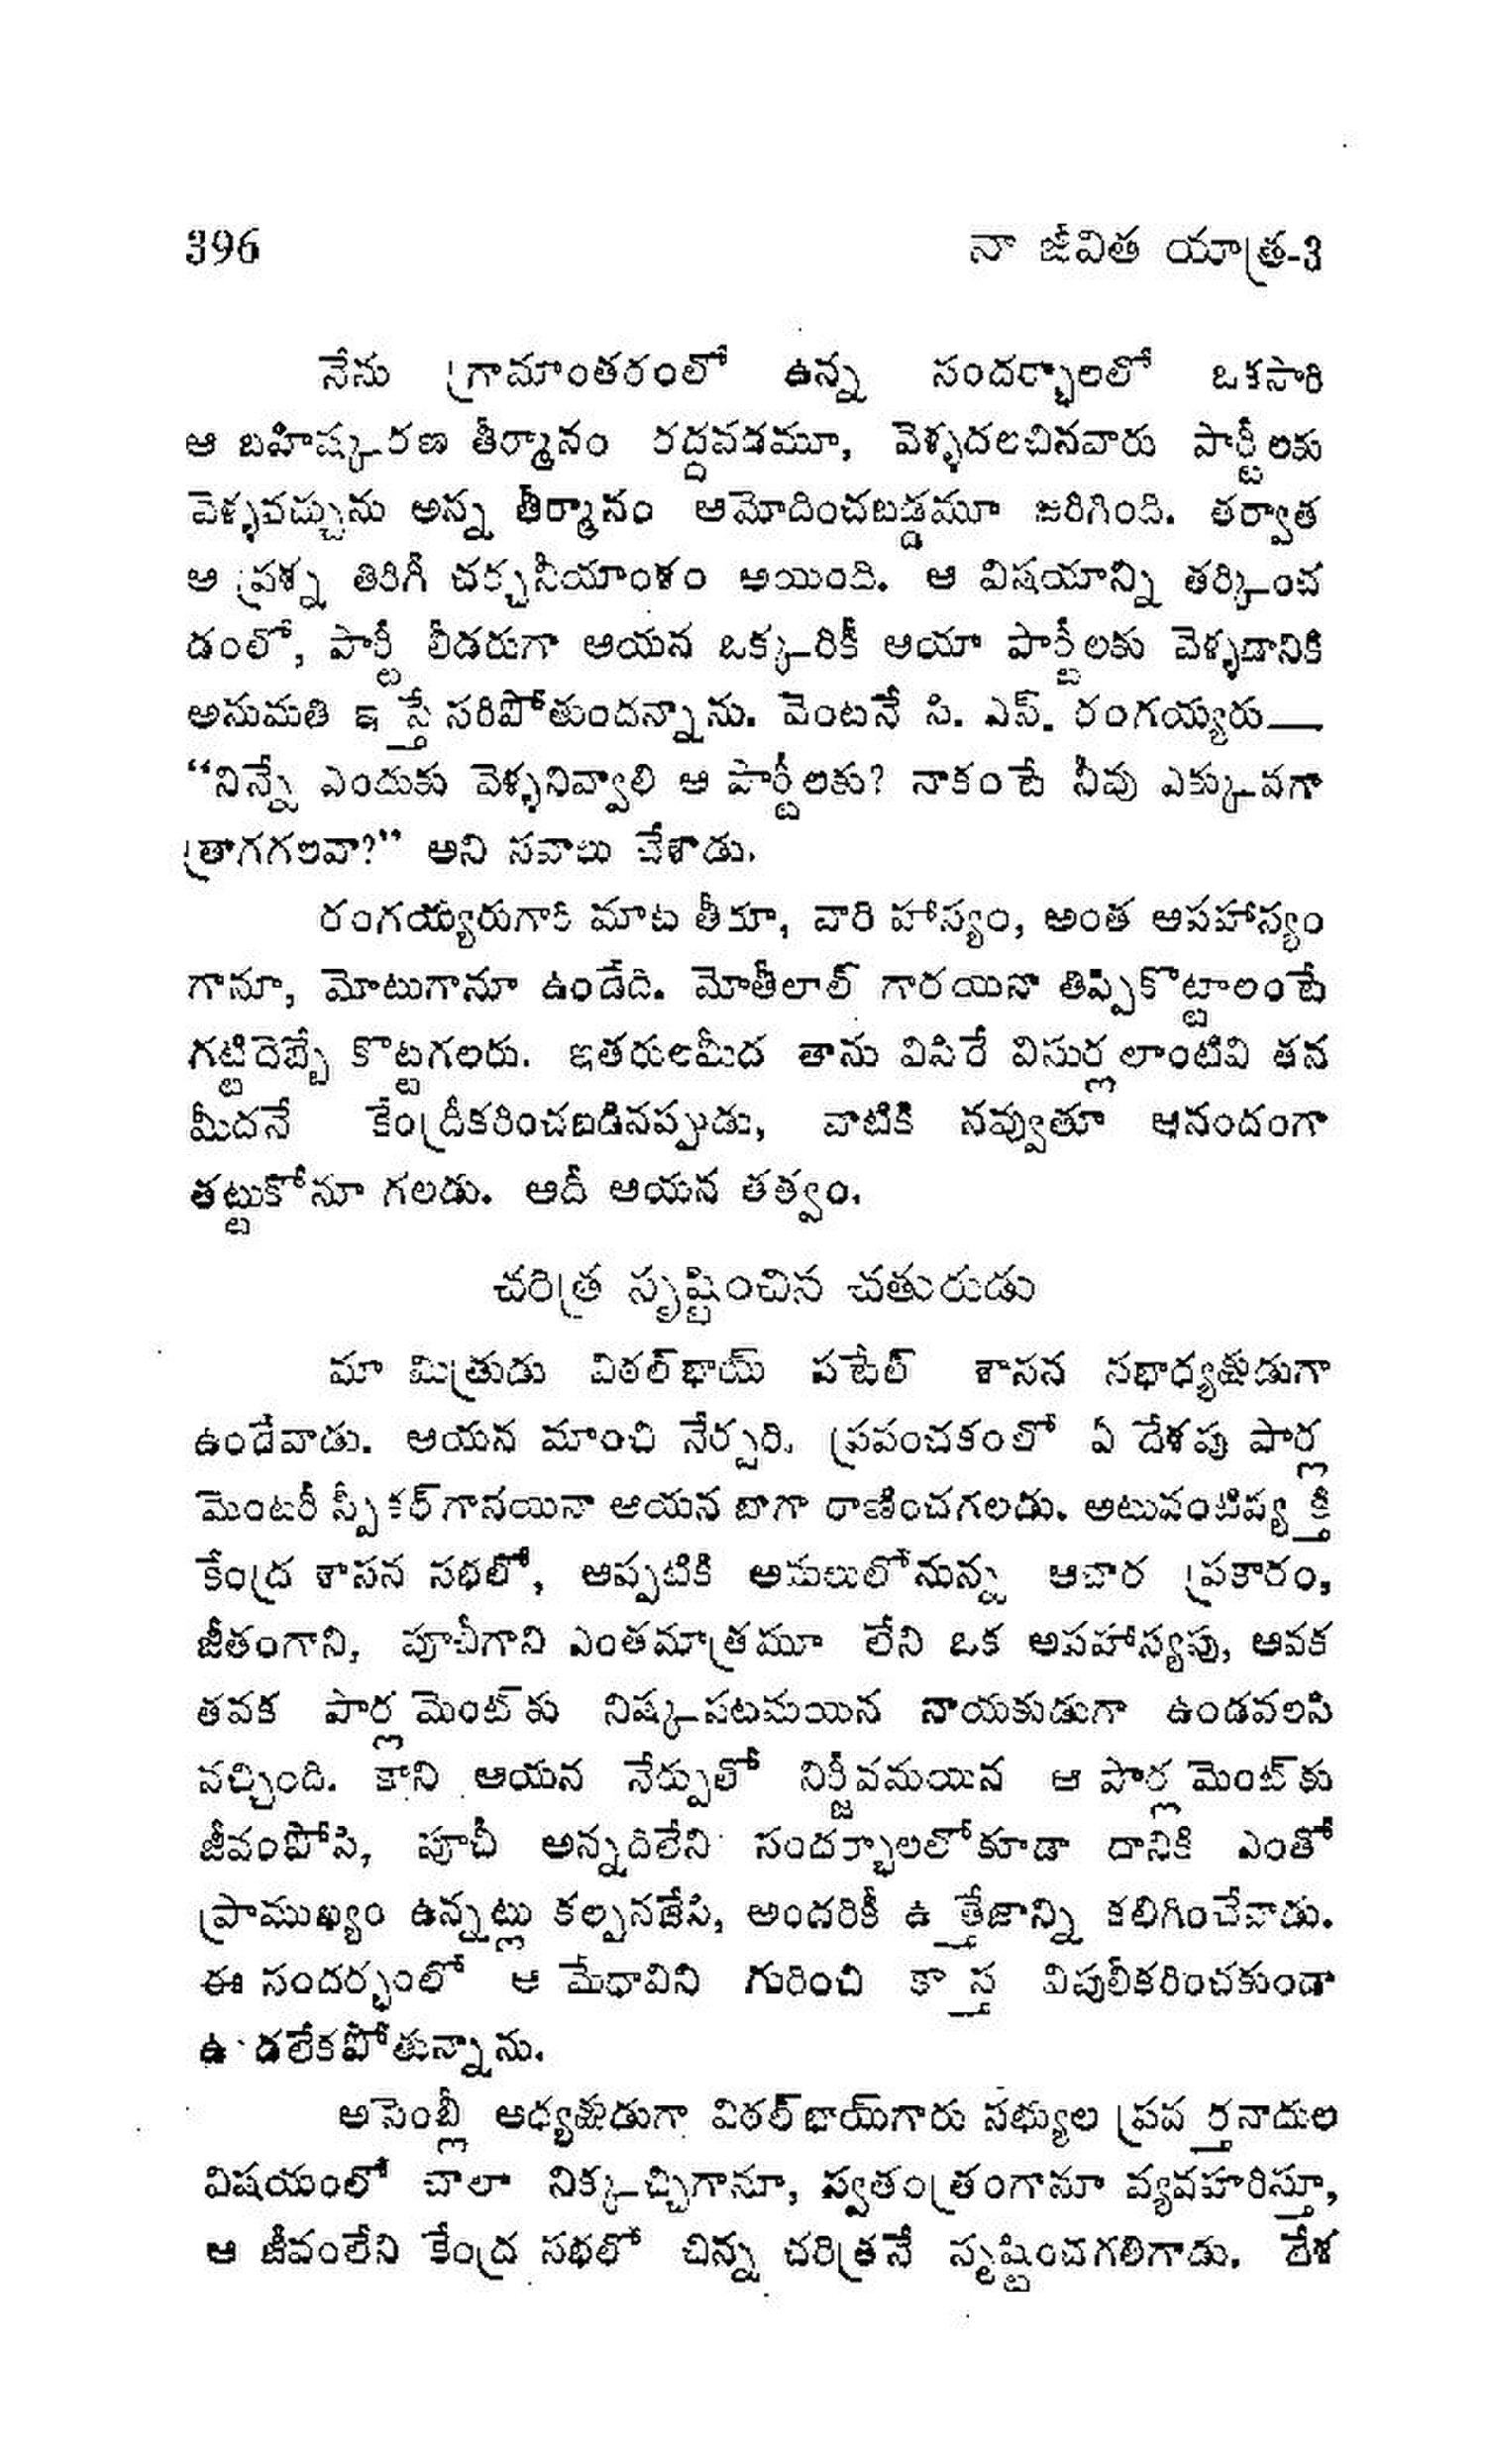నేను గ్రామాంతరంలో ఉన్న సందర్భాలలో ఒకసారి ఆ బహిష్కరణ తీర్మానం రద్దవడమూ, వెళ్ళదలచినవారు పార్టీలకు వెళ్ళవచ్చును అన్న తీర్మానం ఆమోదించబడ్డమూ జరిగింది. తర్వాత ఆ ప్రశ్న తిరిగీ చర్చనీయాంశం అయింది. ఆ విషయాన్ని తర్కించడంలో, పార్టీ లీడరుగా ఆయన ఒక్కరికీ ఆయా పార్టీలకు వెళ్ళడానికి అనుమతి ఇస్తే సరిపోతుందన్నాను. వెంటనే సి. ఎస్. రంగయ్యరు - "నిన్నే ఎందుకు వెళ్ళనివ్వాలి ఆ పార్టీలకు? నాకంటే నీవు ఎక్కువగా త్రాగగలవా?" అని సవాలు చేశాడు.

రంగయ్యరుగారి మాట తీరూ, వారి హాస్యం, అంత అపహాస్యం గానూ, మోటుగానూ ఉండేది. మోతీలాల్ గారయినా తిప్పికొట్టాలంటే గట్టిదెబ్బే కొట్టగలరు. ఇతరుల మీద తాను విసిరే విసుర్ల లాంటివి తన మీదనే కేంద్రీకరించబడి నప్పుడు, వాటికి నవ్వుతూ ఆనందంగా తట్టుకోనూ గలడు. అదీ ఆయన తత్వం.

మా మిత్రుడు విఠల్‌భాయ్ పటేల్ శాసన సభాధ్యక్షుడుగా ఉండేవాడు. ఆయన మాంచి నేర్పరి. ప్రపంచకంలో ఏ దేశపు పార్లమెంటరీ స్పీకర్‌గానయినా ఆయన బాగా రాణించగలడు. అటువంటివ్యక్తి కేంద్ర శాసన సభలో, అప్పటికి అమలు లోనున్న ఆచార ప్రకారం, జీతంగాని, పూచీగాని ఎంతమాత్రమూ లేని ఒక అపహాస్యపు, అవకతవక పార్లమెంట్‌కు నిష్కపటమయిన నాయకుడుగా ఉండవలసి వచ్చింది. కాని ఆయన నేర్పులో నిర్జీవమయిన ఆ పార్లమెంట్‌కు జీవంపోసి, పూచీ అన్నదిలేని సందర్భాలలోకూడా దానికి ఎంతో ప్రాముఖ్యం ఉన్నట్లు కల్పనజేసి, అందరికీ ఉత్తేజాన్ని కలిగించేవాడు. ఈ సందర్భంలో ఆ మేధావిని గురించి కాస్త విపులీకరించకుండా ఉండలేకపోతున్నాను.

అసెంబ్లీ అధ్యక్షుడుగా విఠల్‌భాయ్‌గారు సభ్యుల ప్రవర్తనాదుల విషయంలో చాలా నిక్కచ్చిగానూ, స్వతంత్రంగానూ వ్యవహరిస్తూ, ఆ జీవంలేని కేంద్ర సభలో చిన్న చరిత్రనే సృష్టించగలిగాడు. దేశ